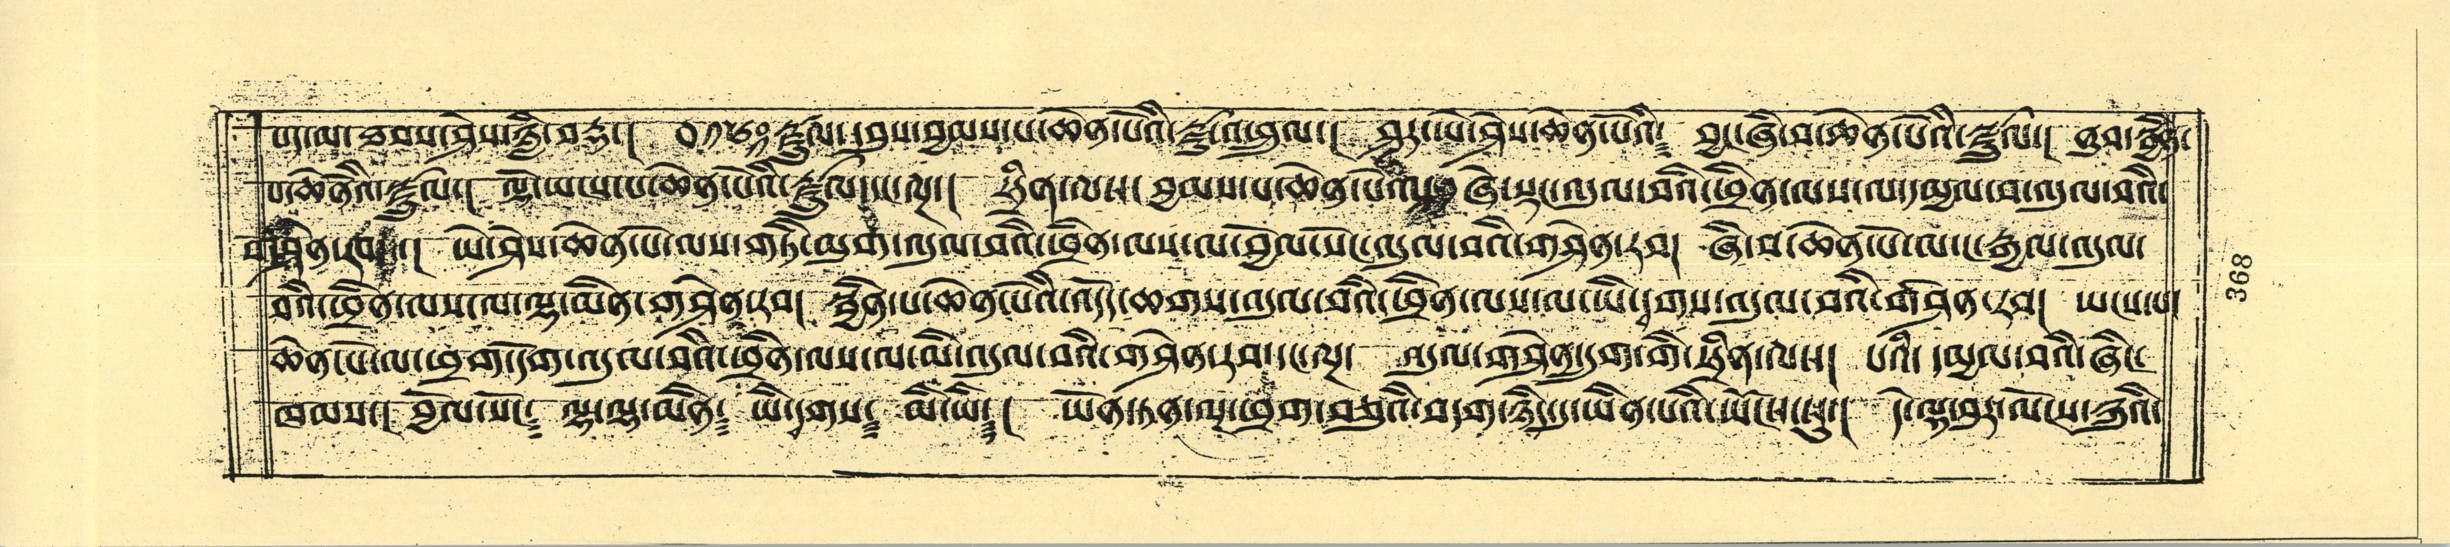པད་མ། ཐབས་ཤེས་ཉི་ཟླ་བརྡ། བ༡༦༠།༡ སྫུ་འཕྲུལ་དབུས་བྱམས་པ་ཆེན་པོའི་སྫུ་འཕྲུལ། ཤར་ཡེ་ཤེས་ཆེན་པོའི་་། བྱང་ཞི་བ་ཆེན་པོའི་སྫུ་འཕྲུལ། ནུབ་སྦྱིན་
པ་ཆེན་པོའི་སྫུ་འཕྲུལ། ལྷོ་ཡངས་པ་ཆེན་པོའི་སྫུ་འཕྲུལ་དང་ ༼ལྔ།༽ ༼ཕྲིན་ལས་༽བྱམས་པ་ཆེན་པོའི་ཞེ་སྡང་འདུལ་བའི་ཕྲིན་ལས་ལ་དམྱལ་བ་འདུལ་བའི་
གཤེན་རབས། ཡེ་ཤེས་ཆེན་པོ་ལས་གཏི་མུག་འདུལ་བའི་ཕྲིན་ལས་ལ་བྱོལ་སོང་འདུལ་བའི་གཤེན་རབ། ཞི་བ་ཆེན་པོ་ལ་ང་རྒྱལ་འདུལ་
བའི་ཕྲིན་ལས་ལ་ལྷ་མིན་གཤེན་རབ། སྦྱིན་པ་ཆེན་པོའི་འདོད་ཆགས་འདུལ་བའི་ཕྲིན་ལས་ལ་ཡི་དྭགས་འདུལ་བའི་གཤེན་རབ། ཡངས་པ་
ཆེན་པོ་ལ་ཕྲག་དོག་འདུལ་བའི་ཕྲིན་ལས་ལ་མི་འདུལ་བའི་གཤེན་རབ་དང་ ༼ལྔ།༽འདུལ་གཤེན་དྲུག་གི་ ༼ཕྲིན་ལས།༽ ༼པའི་༽དམྱལ་བའི་ཞིང་
ཁམས། བྱོལ་སོང་་། ལྷ་ལྷ་མིན་་། ཡི་དྭགས་་། མི་ཡི་་། ཡོན་ཏན་ལྔ་ཕྲག་བཅུའི་བདག་ཉིད་དུ་ཡིན་པའི་ ༼ཡོངས་སུ།༽དེ་ལྟ་བུར་ལོངས་སྐུའི་